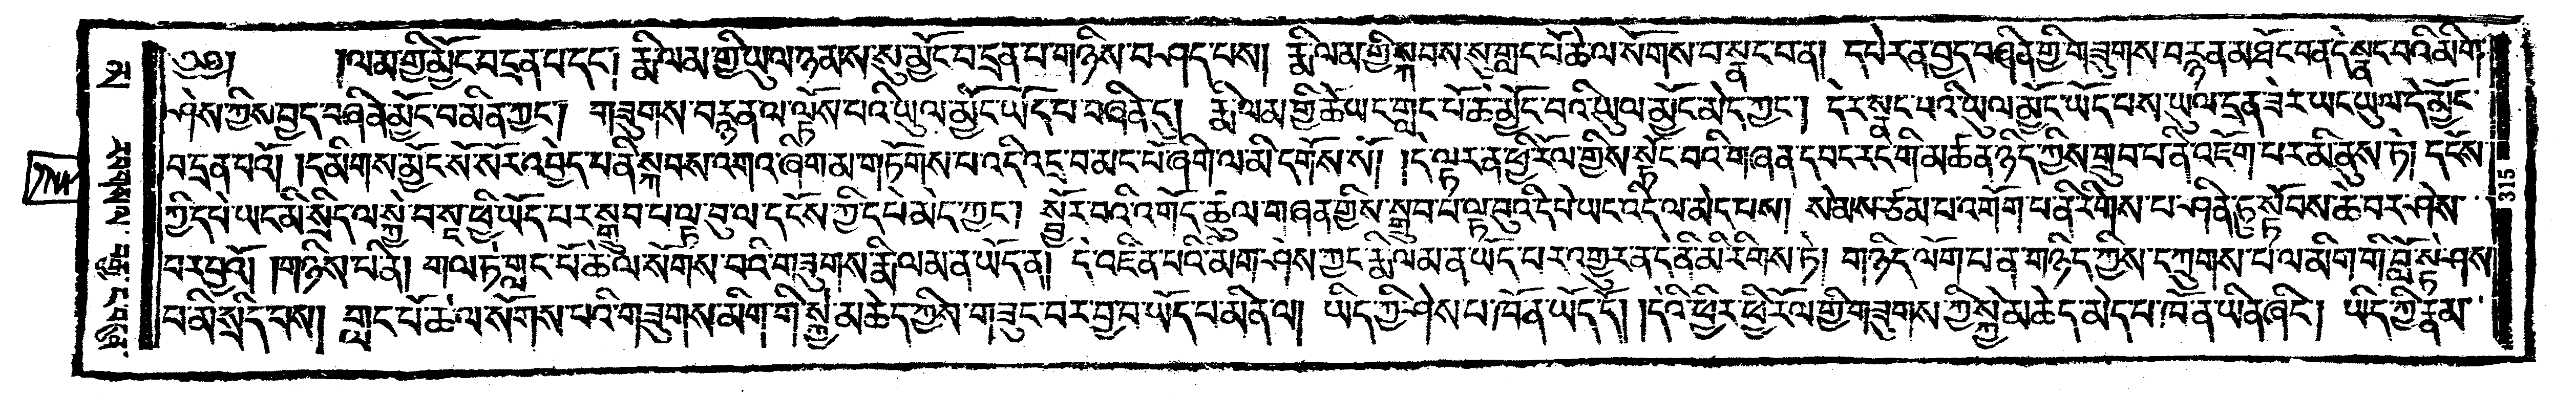༄༅། །ལམ་གྱི་མྱོང་བ་དྲན་པ་དང་། རྨི་ལམ་གྱི་ཡུལ་ཉམས་སུ་མྱོང་བ་དྲན་པ་གཉིས་བཤད་པས། རྨི་ལམ་གྱི་སྐབས་སུ་གླང་པོ་ཆེ་ལ་སོགས་པ་སྣང་བ་ན། དཔེར་ན་བྱད་བཞིན་གྱི་གཟུགས་བརྙན་མཐོང་བ་ན་དེ་སྣང་བའི་མིག་
ཤེས་ཀྱིས་བྱད་བཞིན་མྱོང་བ་མིན་ཀྱང་། གཟུགས་བརྙན་ལ་ལྟོས་པའི་ཡུལ་མྱོང་ཡོད་པ་བཞིན་དུ། རྨི་ལམ་གྱི་ཚེ་ཡང་གླང་པོ་ཆེ་མྱོང་བའི་ཡུལ་མྱོང་མེད་ཀྱང་། དེར་སྣང་བའི་ཡུལ་མྱོང་ཡོད་པས་ཡུལ་དྲན་ཟེར་ཡང་ཡུལ་དེ་མྱོང་
བ་དྲན་པའོ། །དམིགས་མྱོང་སོ་སོར་འབྱེད་པ་ནི་སྐབས་འགའ་ཞིག་མ་གཏོགས་པ་འདི་འདྲ་བ་མང་པོ་ཞིག་ལ་མི་དགོས་སོ། །དེ་ལྟར་ན་ཕྱི་རོལ་གྱིས་སྟོང་པའི་གཞན་དབང་རང་གི་མཚན་ཉིད་ཀྱིས་གྲུབ་པ་ནི་འཇོག་པར་མི་ནུས་ཏེ། དངོས་
ཀྱི་དཔེ་ཡང་མི་སྲིད་ལ་སྐྱེ་བ་སྔ་ཕྱི་ཡོད་པར་སྒྲུབ་པ་ལྟ་བུ་ལ་དངོས་ཀྱི་དཔེ་མེད་ཀྱང་། སྦྱོར་བའི་འགོད་ཚུལ་གཞན་གྱིས་སྒྲུབ་པ་ལྟ་བུའི་དཔེ་ཡང་འདི་ལ་མེད་པས། སེམས་ཙམ་པ་འགོག་པ་ནི་རིགས་པ་ཤིན་ཏུ་སྟོབས་ཆེ་བར་ཤེས་
པར་བྱའོ། །གཉིས་པ་ནི། གལ་ཏེ་གླང་པོ་ཆེ་ལ་སོགས་པའི་གཟུགས་རྨི་ལམ་ན་ཡོད་ན། དེ་འཛིན་པའི་མིག་ཤེས་ཀྱང་རྨི་ལམ་ན་ཡོད་པར་འགྱུར་ན་དེ་ནི་མི་རིགས་ཏེ། གཉིད་ལོག་པ་ན་གཉིད་ཀྱིས་དཀྲུགས་པ་ལ་མིག་གི་བློ་སྟེ་ཤེས་
པ་མི་སྲིད་པས། གླང་པོ་ཆེ་ལ་སོགས་པའི་གཟུགས་མིག་གི་སྐྱེ་མཆེད་ཀྱིས་གཟུང་བར་བྱ་བ་ཡོད་པ་མིན་ལ། ཡིད་ཀྱི་ཤེས་པ་ཁོ་ན་ཡོད་དོ། །དེའི་ཕྱིར་ཕྱི་རོལ་གྱི་གཟུགས་ཀྱི་སྐྱེ་མཆེད་མེད་པ་ཁོ་ན་ཡིན་ཞིང་། ཡིད་ཀྱི་རྣམ་